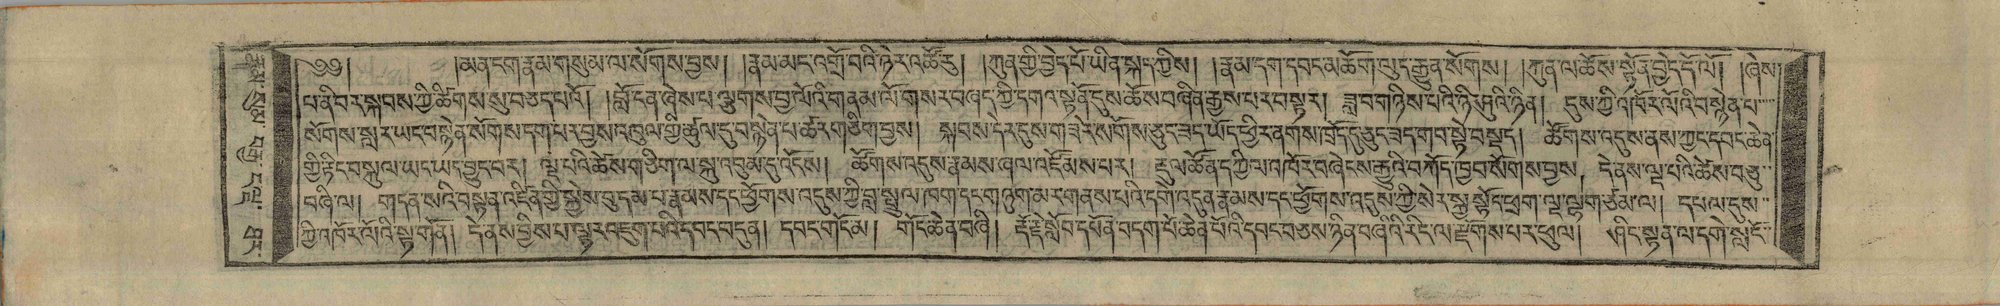༄༅། །མན་ངག་རྣམ་གསུམ་ལ་སོགས་བྱས། །རྣམ་མང་འགྲོ་བའི་ཉེར་འཚོ་རུ། །ཀུན་གྱི་བྱེད་པོ་ཡིན་སྐད་ཀྱིས། །རྣམ་དག་དབང་མཆོག་ལུང་རྒྱུན་སོགས། །ཀུན་ལ་ཆོས་སྟོན་བྱེད་དོ་ལོ། །ཞེས་
པ་ནི་བར་སྐབས་ཀྱི་ཚིགས་སུ་བཅད་པའོ། །བློ་ངན་ཞེས་པ་ལྕགས་བྱ་ལོའི་གནམ་ལོ་གསར་བཞད་ཀྱི་དགའ་སྟོན་ལ་?་ཆོས་བཞིན་རྒྱས་པར་བསྟར། ཟླ་བ་གཉིས་པའི་ཉི་ཤུའི་ཉིན། དུས་ཀྱི་འཁོར་ལོའི་བསྙེན་པ་
སོགས་སླར་ཡང་བསྙེན་སོགས་དག་པར་བྱས་འཁུལ་གྱི་ཚུལ་དུ་བསྙེན་པ་ཚར་གཅིག་བྱས། སྐབས་དེར་དུས་གཟར་སོགས་ཅུང་ཟད་ཡོད་ཕྱིར་ནགས་ཁྲོད་དུ་ཅུང་ཟད་གབ་སྟེ་བསྡད། ཚོགས་འདུས་ནས་ཀྱང་དབང་ཆེན་
གྱི་རྟིང་བསྐུལ་ཡང་ཡང་བྱུང་བར། ལྔ་པའི་ཚེས་གཅིག་ལ་ཚོན་དཀྱིལ་འཁོར་བཞེངས་རྒྱུའི་བཀོད་ཁྱབ་སོགས་བྱས། དེ་ནས་དཀྱིལ་འཁོར་བཞེངས་རྒྱུའི་བཀོད་ཁྱབ་སོགས་བྱས། དེ་ནས་ལྔ་པའི་ཚེས་བཅུ་
བཞི་ལ། གདན་སའི་བསྟན་འཛིན་གྱི་སྐྱེས་བུ་དམ་པ་རྣམས་དང་ཕྱོགས་འདུས་ཀྱི་བླ་སྤྲུལ་ཁག་དང་གཉུག་མར་གནས་པའི་དགེ་འདུན་རྣམས་དང་ཕྱོགས་འདུས་ཀྱི་སེར་སྐྱ་སྟོང་ཕྲག་ལྔ་ལྷག་ཙམ་ལ། དཔལ་དུས་
ཀྱི་འཁོར་ལོའི་སྟ་གོན། དེ་ནས་བྱིས་པ་ལྟར་འཇུག་པའི་དབང་བདུན། དབང་གོང་མ། གོང་ཆེན་བཞི། རྡོ་རྗེ་སློབ་དཔོན་བདག་པོ་ཆེན་པོའི་དབང་བཅས་ཉིན་བཞིའི་རིང་ལ་རྫོགས་པར་ཕུལ། ཤིང་སྟན་ལ་དགེ་སློང་